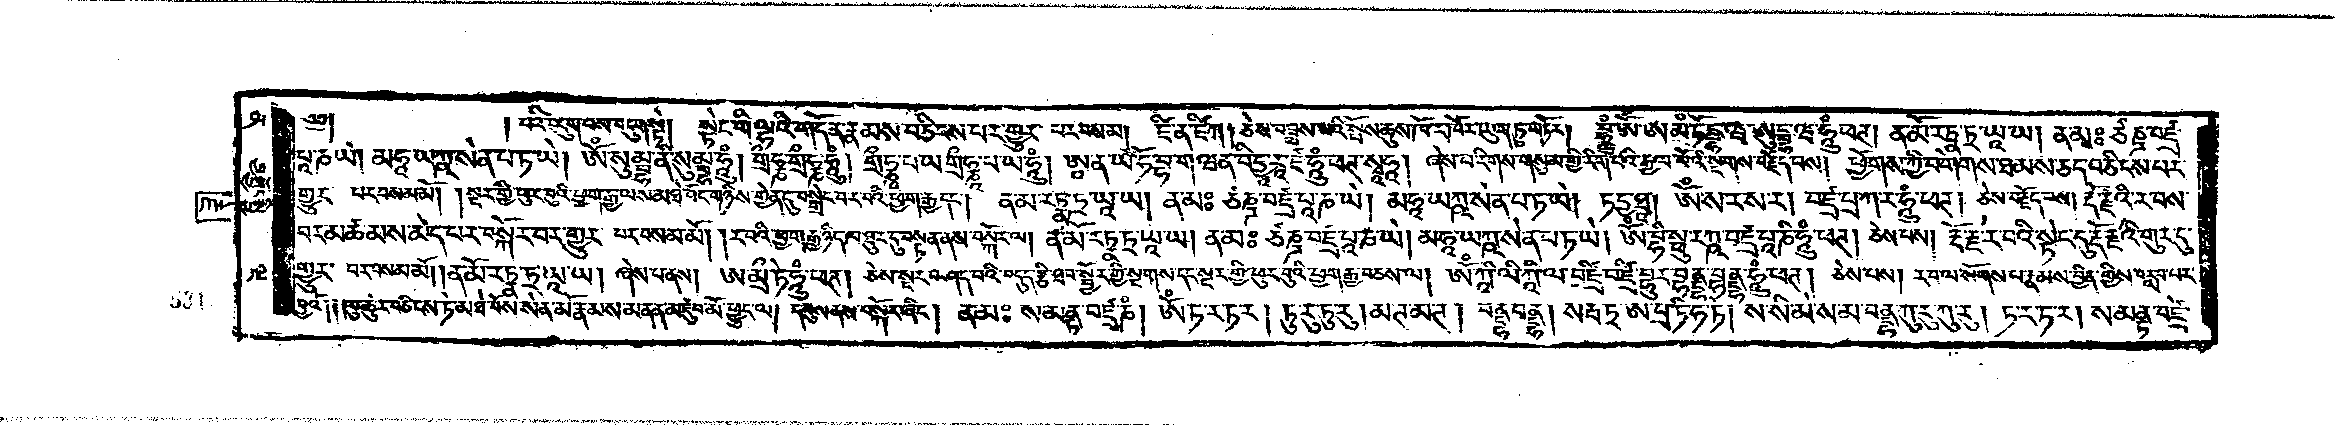༄༅། །པའི་བདུག་པས་བདུག་སྟེ། སྟེང་གི་ལྷའི་གདོན་རྣམས་བཅིངས་པར་གྱུར་པར་བསམ།  ཛི་ན་ཛི་ཀ། ཅེས་བཟླས་པའི་སྤོས་ཆུས་ཁོ་ན་ཁོར་ཡུག་ཏུ་གཏོར།  བྷྲཱུཾ་ཨོཾ་ཨ་མྲྀ་ཏོདབྷ་ཝ་ཨུདབྷ་ཝ་ཧཱུཾ་ཕཊ། ན་མོ་རཏྣ་ཏྲ་ཡཱ་ཡ། ན་མཿ ཙཎ་བཛྲ་
པཱ་ཎ་ཡེ། མཧཱ་ཡཀྵ་སེ་ན་པ་ཏ་ཡེ། ཨོཾ་སུམྦྷ་ན་སུམྦྷ་ཧཱུཾ། གྲྀཧྞ་གྲྀཧྞ་ཧཱུཾ། གྲྀཧྞ་པ་ཡ་གྲྀཧྞཱ་པ་ཡ་ཧཱུཾ། ཨཱ་ན་ཡ་ཧོ་བྷ་ག་ཝ་ན་བི་དྱཱ་རཱ་ཛ་ཧཱུཾ་ཕཊ་སྭཱཧཱ། ཞེས་པ་རིགས་གསུམ་གྱི་རིག་པའི་རྒྱལ་པོའི་སྔགས་བརྗོད་པས།  ཕྱོགས་ཀྱི་བགེགས་ཐམས་ཅད་བཅིངས་པར་
གྱུར་པར་བསམ་མོ། །སྔར་གྱི་བུང་བུའི་ཕྱག་རྒྱ་ལས་མཐེ་བོང་གཉིས་གྱེན་དུ་བསྒྲེང་བ་ར་བའི་ཕྱག་རྒྱ་དང་།  ན་མ་རཏྣ་ཏྲ་ཡཱ་ཡ། ན་མཿ ཙཎྜ་བཛྲ་པཱ་ཎ་ཡེ། མཧཱ་ཡཀྵ་སེ་ན་པ་ཏ་ཡེ། ཏ་དྱ་ཐཱ། ཨོཾ་ས་ར་ས་ར། བཛྲ་པྲ་ཀར་ཧཱུཾ་ཕཊ། ཅེས་བརྗོད་པས།  རྡོ་རྗེའི་ར་བས་
བར་མཚམས་མེད་པར་བསྐོར་བར་གྱུར་བར་བསམ་མོ། །ར་བའི་ཕྱག་རྒྱ་ཉིད་ཁ་ཐུར་དུ་བསྟན་ནས་བསྐོར་ལ།  ན་མོ་རཏྣ་ཏྲ་ཡཱ་ཡ། ན་མཿ ཙཎྜ་བཛྲ་པཱ་ཎ་ཡེ། མཧཱ་ཡཀྵ་སེ་ན་པ་ཏ་ཡེ། ཨོཾ་བྷི་སྥུ་རཀྵ་བཛྲ་པཱ་ཎི་ཧཱུཾ་ཕཊ། ཅེས་པས།  རྡོ་རྗེ་ར་བའི་སྟེང་དུ་རྡོ་རྗེའི་གུར་དུ་
གྱུར་བར་བསམ་མོ།  །ན་མོ་རཏྣ་ཏྲ་ཡཱ་ཡ། ཞེས་པ་ནས།  ཨ་མྲྀ་ཏེ་ཧཱུཾ་ཕཊ། ཅེས་སྔར་བཤད་པའི་བདུད་རྩི་ཐབ་སྦྱོར་གྱི་སྔགས་དང་སྔར་གྱི་ཕུར་བུའི་ཕྱག་རྒྱ་བཅས་ལ། ཨོཾ་ཀཱི་ལི་ཀཱི་ལ་བཛྲི་བཛྲི་བྷུར་བྷནྡྷ་བྷནྡྷ་ཧཱུཾ་ཕཊ། ཅེས་པས། ར་བ་ལ་སོགས་པ་རྣམས་བྱིན་གྱིས་བརླབ་པར་
བྱའོ། །ཁུ་ཚུར་བཅིངས་ཏེ་མཐེ་བོས་སེན་མོ་རྣམས་མནན་མཛུབ་མོ་ཕྱུང་ལ། དབུས་ནས་བསྐོར་ཞིང་། ན་མཿ ས་མནྟ་བཛྲ་ཎཾ། ཨོཾ་ཏ་ར་ཏ་ར། ཏུ་རུ་ཏུ་རུ། མ་ཊ་མ་ཊ། བནྡྷ་བནྡྷ། སརྦ་ཏྲ་ཨ་པྲ་ཏཧ་ཏེ། ས་སི་མེ་ས་མ་བནྡྷ་ཀུ་རུ་ཀུ་རུ། ཏ་ར་ཏ་ར། ས་མནྟ་བཛྲ་